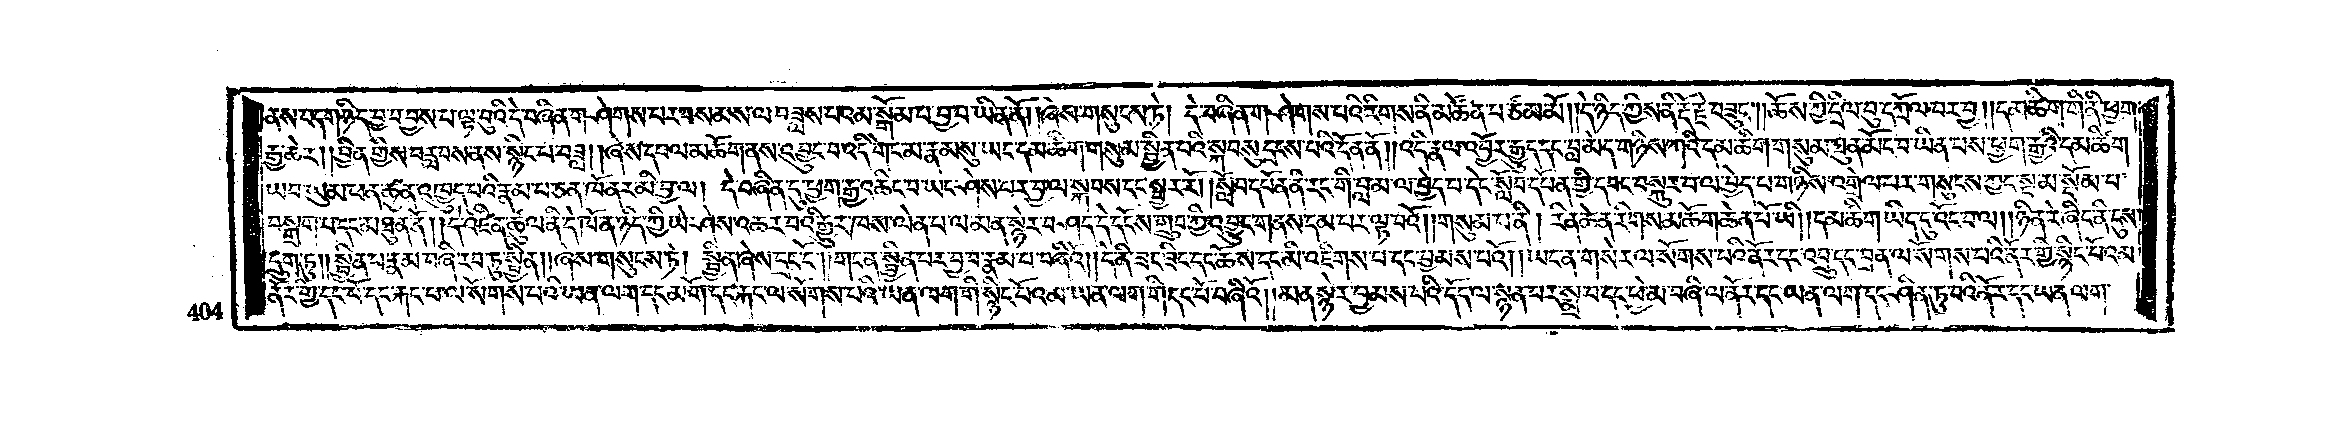ནས་བདག་ཉིད་བྱ་བ་བྱས་པ་ལྟ་བུའི་དེ་བཞིན་གཤེགས་པར་བསམས་ལ་བཟླས་པའམ་སྒོམ་པ་བྱ་བ་ཡིན་ནོ། །ཞེས་གསུངས་ཏེ། དེ་བཞིན་གཤེགས་པའི་རིགས་ནི་མཚོན་པ་ཙམ་མོ། །དེ་ཉིད་ཀྱིས་ནི་རྡོ་རྗེ་བཟུང་། །ཆོས་ཀྱི་དྲིལ་བུ་དཀྲོལ་བར་བྱ། །དམ་ཚིག་གི་ནི་ཕྱག་
རྒྱ་ཆེར། །བྱིན་གྱིས་བརླབས་ནས་སྙིང་པ་བཟླ། །ཞེས་དཔལ་མཆོག་ནས་འབྱུང་བ་འདི་གེང་མ་རྣམས་སུ་ཡང་དམ་ཚིག་གསུམ་སྦྱིན་པའི་སྐབས་སུ་དྲངས་པའི་དོན་ནོ། །འདི་རྣལ་འབྱོར་རྒྱུད་དང་བླ་མེད་གཉིས་ཀའི་དམ་ཚིག་གསུམ་ཐུན་མོང་བ་ཡིན་པས་ཕྱག་རྒྱའི་དམ་ཚིག་
ཡབ་ཡུམ་ཕན་ཚུན་འཁྱུད་པའི་རྣམ་པ་ཅན་ཁོ་ནར་མི་བྱ་ལ། དེ་བཞིན་དུ་ཕྱག་རྒྱ་འཆིང་བ་ཡང་ཤེས་པར་བྱ་ལ་སྐབས་དང་སྦྱར་རོ། །སློབ་དཔོན་ནི་རང་གི་བླ་མ་ལ་བྱེད་པ་དེང་སློབ་དཔོན་གྱི་དབང་བསྐུར་བ་ལ་བྱེད་པ་གཉིས་འགྲེལ་པར་གསུངས་ཀྱང་སྔ་མ་སྡོམ་པ་
བསྒྲག་པ་དང་མཐུན་ནོ། །དེ་འཛིན་ཚུལ་ནི་དེ་ཁོ་ན་ཉིད་ཀྱི་ཡེ་ཤེས་འཆར་བའི་རྒྱུར་ཁས་ལེན་པ་ལ་མན་སྙེར་བཤད་དེ་དངོས་གྲུབ་ཀྱི་འབྱུང་གནས་དམ་པར་ལྟ་བའོ། །གསུམ་པ་ནི། རིན་ཆེན་རིགས་མཆོག་ཆེན་པོ་ཡི། །དམ་ཚིག་ཡིད་དུ་འོང་བ་ལ། །ཉིན་རེ་ཞིང་ནི་དུས་དྲུག་ཏུ། །སྦྱིན་པ་རྣམ་བཞི་རབ་ཏུ་སྦྱིན། །ཞེས་གསུངས་ཏེ། སྦྱིན་ཞེས་དྲང་ངོ། །གང་ན་སྦྱིན་པར་བྱ་བ་རྣམ་པ་བཞིའོ། །དེ་ནི་ཟང་ཟིང་དང་ཆོས་དང་མི་འཇིགས་པ་དང་བྱམས་པའོ། །ཡང་ན་གསེར་ལ་སོགས་པའི་ནོར་དང་འབྲུ་དང་བྲན་ལ་སོགས་པའི་ནོར་གྱི་སྙིང་པོའམ་
ནོར་གྱི་དང་པོ་དང་རྐང་པ་ལ་སོགས་པའི་ཡན་ལག་དང་མགོ་དང་རྐང་ལ་སོགས་པའི་ཡན་ལག་གི་སྙིང་པོའམ་ཡན་ལག་གི་དང་པོ་བཞིའོ། །མན་སྙེར་བྱམས་པའི་དོད་ལ་སྙན་པར་སྨྲ་བ་དང་ཕྱེ་མ་བཞི་ལ་ནོར་དང་ཡན་ལག་དང་ཤིན་ཏུ་བའི་ནོར་དང་ཡན་ལག་